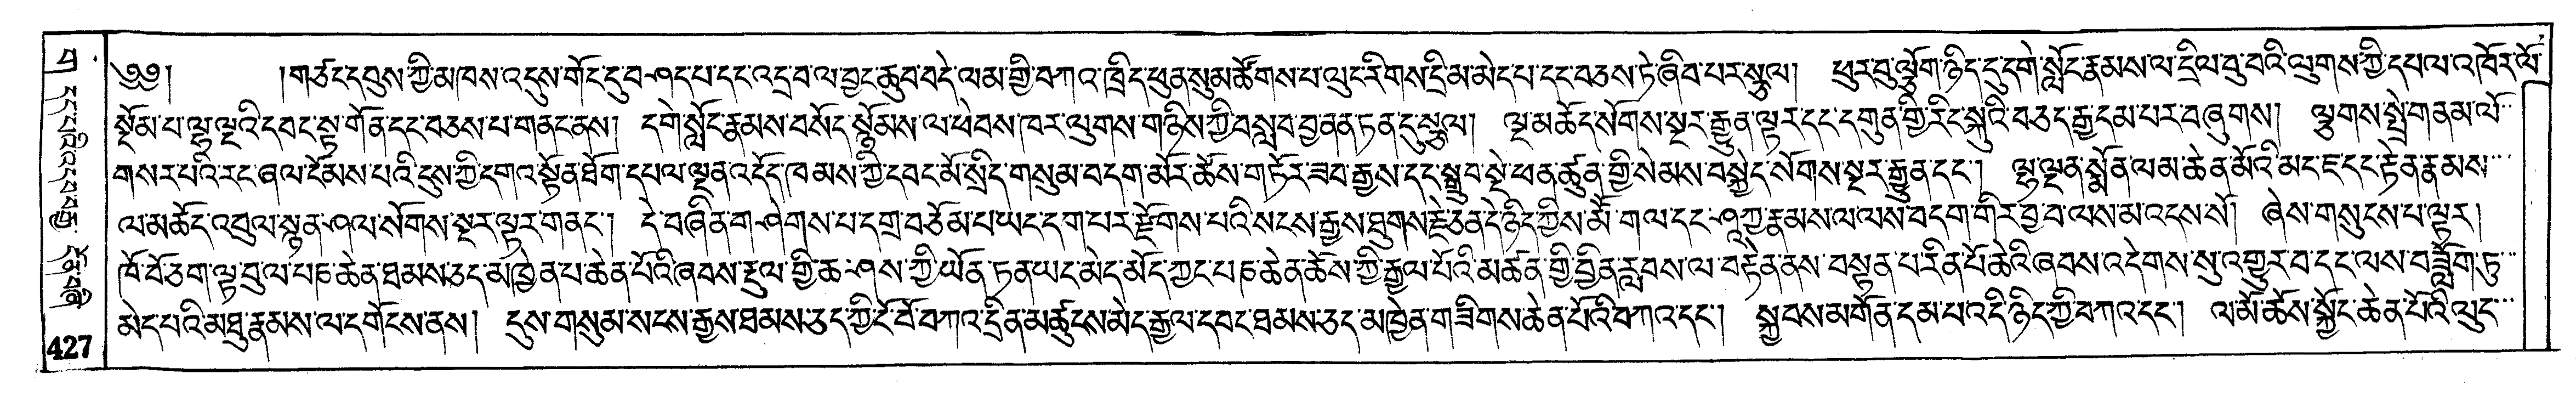༄༅། །གཙང་དབུས་ཀྱི་མཁས་འདུས་གོང་དུ་བཤང་པ་དང་འདྲ་བ་ལ་བྱང་ཆུབ་བདེ་ལམ་གྱི་བཀའ་ཁྲིད་ཕུན་སུམ་ཚོགས་པ་ལུང་རིགས་དྲི་མ་མེད་པ་དང་བཅས་ཏེ་ཞིབ་བར་སྩལ། ཕུར་བུ་ལྕོག་ཉིད་དུ་དགེ་སློང་རྣམས་ལ་དྲིལ་བུ་པའི་ལུགས་ཀྱི་དཔལ་འཁོར་ལོ་
སྡོམ་པ་ལྷ་ལྔའི་དབང་སྟ་གོན་དང་བཅས་པ་གནང་ནས། དགེ་སློང་རྣམས་བསོད་སྙོམས་ལ་ཕེབས་ཁར་ལུགས་གཉིས་ཀྱི་བསླབ་བྱ་ནན་ཏན་དུ་སྩལ། ལྔ་མཆོད་སོགས་སྔར་རྒྱུན་ལྟར་དང་དགུན་གྱི་རིང་སྐུའི་བཅད་རྒྱ་དམ་པར་བཞུགས། ལྕགས་སྤྲེ་གནམ་ལོ་
གསར་པའི་རང་ཞལ་ངོམས་པའི་དུས་ཀྱི་དགའ་སྟོན་ཐོག་དཔལ་ལྡན་འདོད་ཁམས་ཀྱི་དབང་མོ་སྲིད་གསུམ་བདག་མོར་ཚེས་གཏོར་ཟབ་རྒྱས་དང་སྒྲུབ་སྡེ་ཕན་ཚུན་གྱི་སེམས་བསྐྱེད་སོགས་སྔར་རྒྱུན་དང་། ལྷ་ལྡན་སྨོན་ལམ་ཆེན་མོའི་མང་ཇ་དང་རྟེན་རྣམས་
ལ་མཆོད་འབུལ་སྙན་ཤལ་སོགས་སྔར་ལྟར་གནང་། དེ་བཞིན་གཤེགས་པ་དགྲ་བཅོམ་པ་ཡང་དག་པར་རྫོགས་པའི་སངས་རྒྱས་ཐུགས་རྗེ་ཅན་དེ་ཉིད་ཀྱིས་མཽ་གལ་དང་ཤཱཀྱ་རྣམས་ལ་ལས་བདག་གིར་བྱ་བ་ལས་མ་འདས་སོ། ཞེས་གསུངས་པ་ལྟར།
ཁོ་བོ་ཅག་ལྟ་བུ་ལ་པཎ་ཆེན་ཐམས་ཅད་མཁྱེན་པ་ཆེན་པོའི་ཞབས་རྡུལ་གྱི་ཆ་ཤས་ཀྱི་ཡོན་ཏན་ཡང་མེད་མོད་ཀྱང་པཎ་ཆེན་ཆོས་ཀྱི་རྒྱལ་པོའི་མཚན་གྱི་བྱིན་རླབས་ལ་བརྟེན་ནས་བསྟན་པ་རིན་པོ་ཆེའི་ཞབས་འདེགས་སུ་འགྱུར་བ་དང་ལས་བཟློག་ཏུ་
མེད་པའི་མཐུ་རྣམས་ལ་དགོངས་ནས། དུས་གསུམ་སངས་རྒྱས་ཐམས་ཅད་ཀྱི་ངོ་བོ་བཀའ་དྲིན་མཚུངས་མེད་རྒྱལ་དབང་ཐམས་ཅད་མཁྱེན་གཟིགས་ཆེན་པོའི་བཀའ་དང་། སྐྱབས་མགོན་དམ་པ་འདི་ཉིད་ཀྱི་བཀའ་དང་། ལ་མོ་ཆོས་སྐྱོང་ཆེན་པོའི་ལུང་